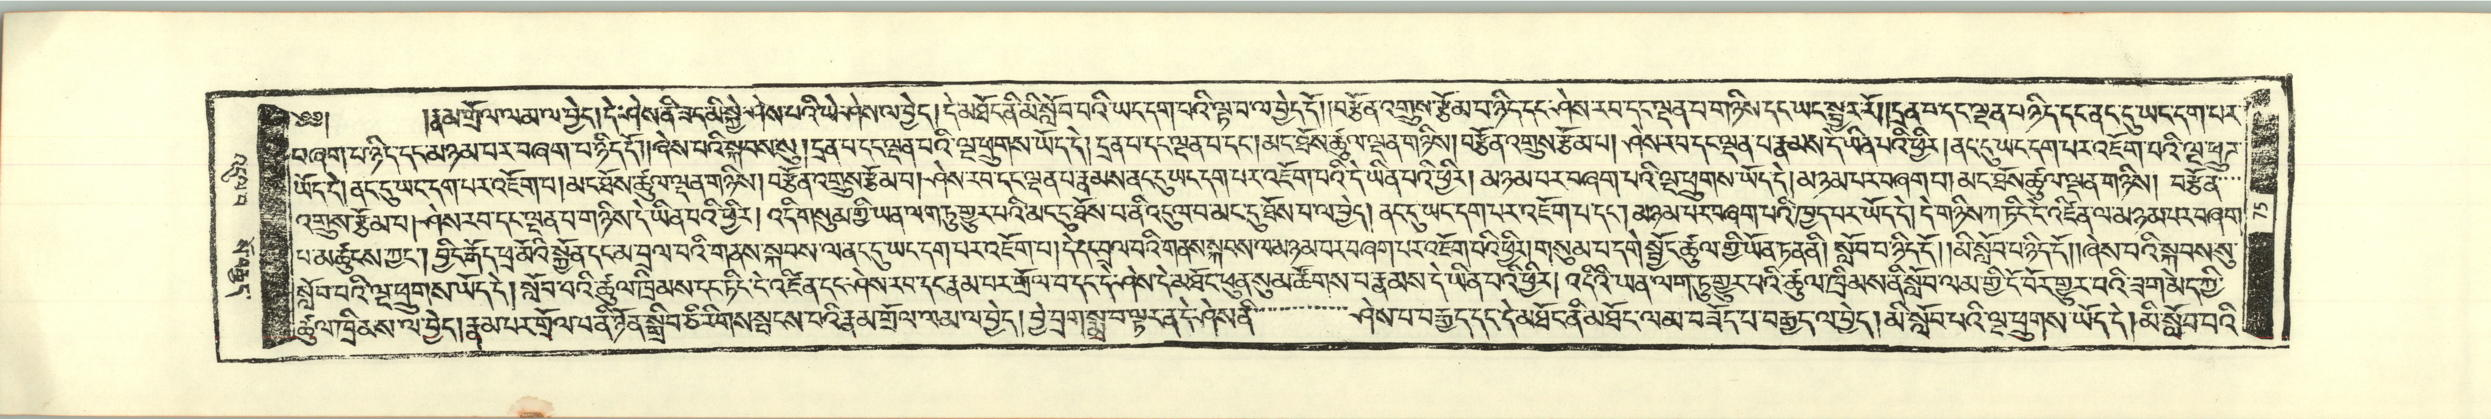༄༅། །རྣམ་གྲོལ་ལམ་ལ་བྱེད། དེ་ཤེས་ནི་ཟད་མི་སྐྱེ་ཤེས་པའི་ཡེ་ཤེས་ལ་བྱེད། དེ་མཐོང་ནི་མི་སློབ་པའི་ཡང་དག་པའི་ལྟ་བ་ལ་བྱེད་དོ། །བརྩོན་འགྲུས་རྩོམ་པ་ཉིད་དང་ཤེས་རབ་དང་ལྡན་པ་གཉིས་དང་ཡང་སྦྱར་རོ། །དྲན་བ་དང་ལྡན་པ་ཉིད་དང་ནང་དུ་ཡང་དག་པར་
བཞག་པ་ཉིད་དང་མཉམ་པར་བཞག་པ་ཉིད་དོ། །ཞེས་པའི་སྐབས་སུ། དྲན་པ་དང་ལྡན་པའི་ལྔ་ཕྲུགས་ཡོད་དེ། དྲན་པ་དང་ལྡན་པ་དང་། མང་ཐོས་ཚུལ་ལྡན་གཉིས། བརྩོན་འགྲུས་རྩོམ་པ། ཤེས་རབ་དང་ལྡན་པ་རྣམས་དེ་ཡིན་པའི་ཕྱིར། ནང་དུ་ཡང་དག་པར་འཇོག་པའི་ལྔ་ཕྲུགས་
ཡོད་དེ། ནང་དུ་ཡང་དག་པར་འཇོག་པ། མང་ཐོས་ཚུལ་ལྡན་གཉིས། བརྩོན་འགྲུས་རྩོམ་པ། ཤེས་རབ་དང་ལྡན་པ་རྣམས་ནང་དུ་ཡང་དག་པར་འཇོག་པའི་དེ་ཡིན་པའི་ཕྱིར། མཉམ་པར་བཞག་པའི་ལྔ་ཕྲུགས་ཡོད་དེ། མཉམ་པར་བཞག་པ། མང་ཐོས་ཚུལ་ལྡན་གཉིས། བརྩོན་
འགྲུས་རྩོམ་པ། ཤེས་རབ་དང་ལྡན་པ་གཉིས་དེ་ཡིན་པའི་ཕྱིར། འདི་གསུམ་གྱི་ཡན་ལག་ཏུ་གྱུར་པའི་མང་དུ་ཐོས་པ་ནི་འདུལ་བ་མང་དུ་ཐོས་པ་ལ་བྱེད། ནང་དུ་ཡང་དག་པར་འཇོག་པ་དང་། མཉམ་པར་བཞག་པའི་ཁྱད་པར་ཡོད་དེ། དེ་གཉིས་ཀ་ཏིང་ངེ་འཛིན་ལ་མཉམ་པར་བཞག་
པ་མཚུངས་ཀྱང་། བྱིང་རྒོད་ཕྲ་མོའི་སྐྱོན་དང་མ་བྲལ་བའི་གནས་སྐབས་ལ་ནང་དུ་ཡང་དག་པར་འཇོག་པ། དེ་དང་བྲལ་བའི་གནས་སྐབས་ལ་མཉམ་པར་བཞག་པར་འཇོག་པའི་ཕྱིར། གསུམ་པ་དགེ་སྦྱོང་ཚུལ་གྱི་ཡོན་ཏན་ནི། སློབ་པ་ཉིད་དོ། །མི་སློབ་པ་ཉིད་དོ། །ཞེས་པའི་སྐབས་སུ་
སློབ་པའི་ལྔ་ཕྲུགས་ཡོད་དེ། སློབ་པའི་ཚུལ་ཁྲིམས་དང་ཏིང་ངེ་འཛིན་དང་ཤེས་རབ་དང་རྣམ་པར་གྲོལ་བ་དང་དེ་ཤེས་དེ་མཐོང་ཕུན་སུམ་ཚོགས་པ་རྣམས་དེ་ཡིན་པའི་ཕྱིར། འདིའི་ཡན་ལག་ཏུ་གྱུར་པའི་ཚུལ་ཁྲིམས་ནི་སློབ་ལམ་གྱི་ངོ་བོར་གྱུར་བའི་ཟག་མེད་ཀྱི་
ཚུལ་ཁྲིམས་ལ་བྱེད། རྣམ་པར་གྲོལ་བ་ནི་ཉོན་སྒྲིབ་ཅི་རིགས་སྤངས་པའི་རྣམ་གྲོལ་ལམ་ལ་བྱེད། བྱེ་བྲག་སྨྲ་བ་ལྟར་ན་དེ་ཤེས་ནི་ཤེས་པ་བརྒྱད་དང་དེ་མཐོང་ནི་མཐོང་ལམ་བཟོད་པ་བརྒྱད་ལ་བྱེད། མི་སློབ་པའི་ལྔ་ཕྲུགས་ཡོད་དེ། མི་སློབ་པའི་